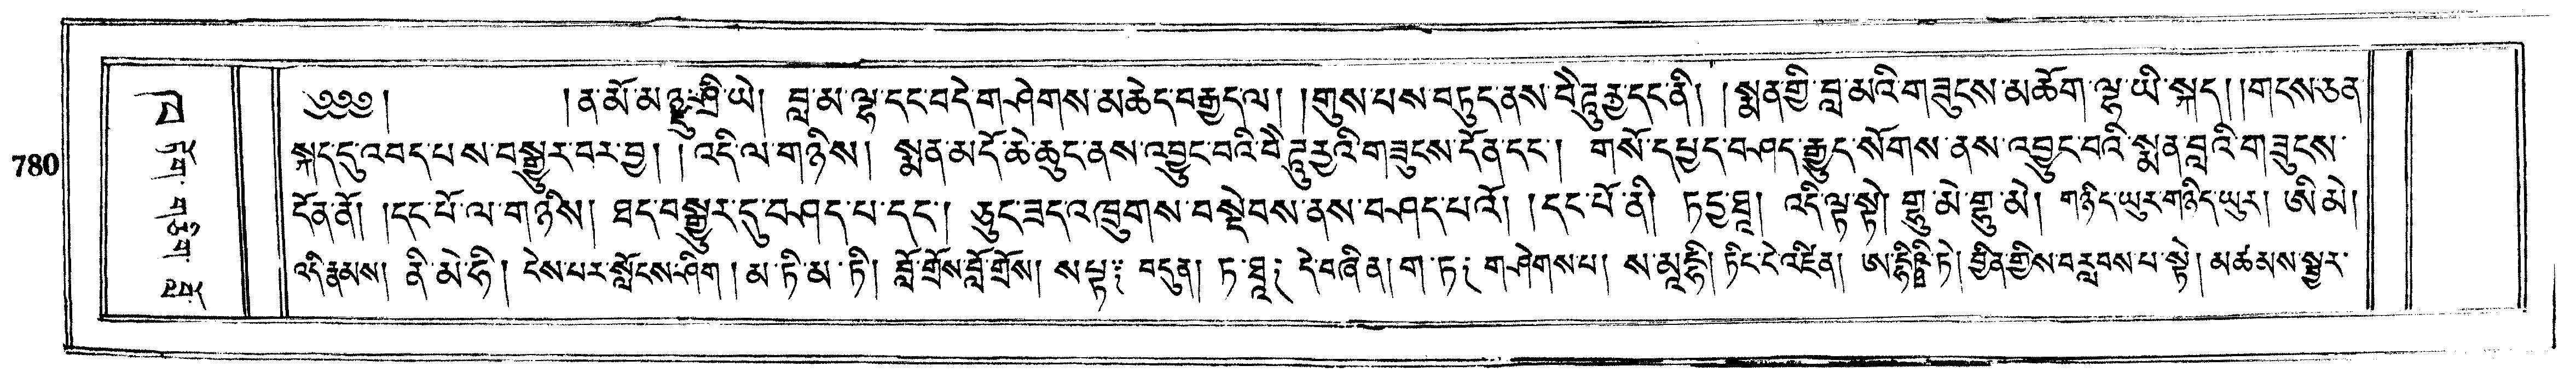༄༅༅། །ན་མོ་མཉྫུ་ཤྲི་ཡེ། བླ་མ་ལྷ་དང་བདེ་གཤེགས་མཆེད་བརྒྱད་ལ། །གུས་པས་བཏུད་ནས་བཻཌཱུརྱ་དང་ནི། །སྨན་གྱི་བླ་མའི་གཟུངས་མཆོག་ལྷ་ཡི་སྐད། །གངས་ཅན་
སྐད་དུ་འབད་པས་བསྒྱུར་བར་བྱ། །འདི་ལ་གཉིས། སྨན་མདོ་ཆེ་ཆུང་ནས་འབྱུང་བའི་བཻཌཱུརྱའི་གཟུངས་དོན་དང་། གསོ་དཔྱད་བཤད་རྒྱུད་སོགས་ནས་འབྱུང་བའི་སྨན་བླའི་གཟུངས་
དོན་ནོ། །དང་པོ་ལ་གཉིས། ཐད་བསྒྱུར་དུ་བཤད་པ་དང་། ཅུང་ཟད་འཁྲུགས་བསྡེབས་ནས་བཤད་པའོ། །དང་པོ་ནི། ཏདྱ་ཐཱ། འདི་ལྟ་སྟེ། གྷུ་མེ་གྷུ་མེ། གཉིད་ཡུར་གཉིད་ཡུར། ཨི་མེ།
འདི་རྣམས། ནི་མེ་ཧི། ངེས་པར་སློངས་ཤིག །མ་ཏི་མ་ཏི། བློ་གྲོས་བློ་གྲོས། སཔྟ༑ བདུན། ཏ་ཐཱ༑ དེ་བཞིན༑ ག་ཏ༑ གཤེགས་པ། ས་མཱདྷི། ཏིང་ངེ་འཛིན། ཨ་དྷི་ཥཊཿཨི་ཏེ། བྱིན་གྱིས་བརླབས་པ་སྟེ། མཚམས་སྦྱར་